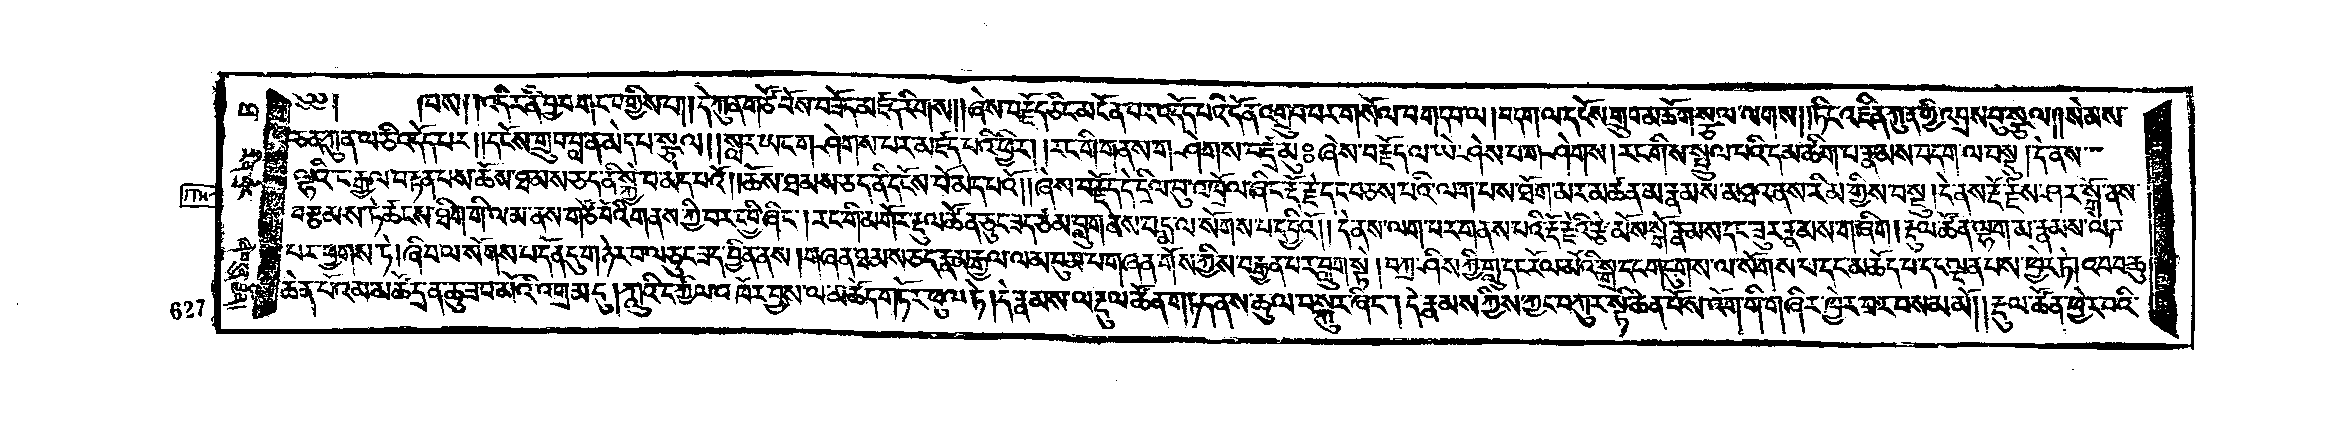༄༅། །ཁས། །འདིར་ནི་བྱ་བ་གང་བགྱིས་པ། །དེ་ཀུན་གཙོ་བོས་བཟོད་མཛད་རིགས། །ཞེས་བརྗོད་ཅིང་མངོན་པར་འདོད་པའི་དོན་འགྲུབ་པར་གསོལ་བ་གདབ་ལ། བདག་ལ་དངོས་གྲུབ་མཆོག་སྩལ་ལགས། །ཏིང་འཛིན་ཀུན་གྱི་འབྲས་བུ་སྩལ། །སེམས་
ཅན་ཀུན་ལ་ཅི་འདོད་པར། །དངོས་གྲུབ་བླ་ན་མེད་པ་སྩལ། །སླར་ཡང་གཤེགས་པར་མཛད་པའི་ཕྱིར། །རང་གི་གནས་གཤེགས་བཛྲ་མུཿ ཞེས་བརྗོད་ལ་ཡེ་ཤེས་པ་གཤེགས། རང་གིས་སྤྲུལ་པའི་དམ་ཚིག་པ་རྣམས་བདག་ལ་བསྡུ། དེ་ནས་
ལྷའི་ང་རྒྱལ་བརྟན་པས་ཆོས་ཐམས་ཅད་ནི་སྐྱེ་བ་མེད་པའོ། །ཆོས་ཐམས་ཅད་ནི་དངོས་པོ་མེད་པའོ། །ཞེས་བརྗོད་དེ་དྲིལ་བུ་འཁྲོལ་ཞིང་རྡོ་རྗེ་དང་བཅས་པའི་ལག་པས་ཐོག་མར་མཚན་མ་རྣམས་མཐའ་ནས་རིམ་གྱིས་བསྡུ། དེ་ནས་རྡོ་རྗེས་ཤར་སྒོ་ནས་
བརྩམས་ཏེ་ཚངས་ཐིག་གི་ལམ་ནས་གཙོ་བོའི་གནས་ཀྱི་བར་དབྱི་ཞིང་། རང་གི་མགོར་རྡུལ་ཚོན་ཅུང་ཟད་ཙམ་བླུག་ནས་པདམ་ལ་སོགས་པ་དབྱིའོ། །དེ་ནས་ལག་པར་གནས་པའི་རྡོ་རྗེའི་རྩེ་མོས་སྒོ་རྣམས་དང་ཟུར་རྣམས་གཞིག །རྡུལ་ཚོན་ལྷག་མ་རྣམས་ལེགས་
པར་ཕྱགས་ཏེ། ཞི་བ་ལ་སོགས་པ་དོན་དུ་གཉེར་བ་ལ་ཅུང་ཟད་བྱིན་ནས། གཞན་ཐམས་ཅད་རྣམ་རྒྱལ་ལམ་བུམ་པ་གཞན་གོས་ཀྱིས་བརྒྱན་པར་བླུག་སྟེ། བཀྲ་ཤིས་ཀྱི་གླུ་དང་རོལ་མོའི་སྒྲ་དང་གདུགས་ལ་སོགས་པ་དང་མཆོད་པ་དང་ལྡན་པས་ཁྱེར་ཏེ། འབབ་ཆུ་
ཆེན་པོའམ་མཚོ་པྲན་ཆུ་ཟབ་མོའི་འགྲམ་དུ། ཀླུའི་དཀྱིལ་འཁོར་བྱས་ལ་མཆོད་གཏོར་ཕུལ་ཏེ། དེ་རྣམས་ལ་རྡུལ་ཚོན་གཏད་ནས་ཆུ་ལ་བསྐུར་ཞིང་། དེ་རྣམས་ཀྱིས་ཀྱང་བཀུར་སྟི་ཆེན་པོས་འོག་གི་གཞིར་ཁྱེར་བར་བསམ་མོ། །རྡུལ་ཚོན་ཁྱེར་བའི་